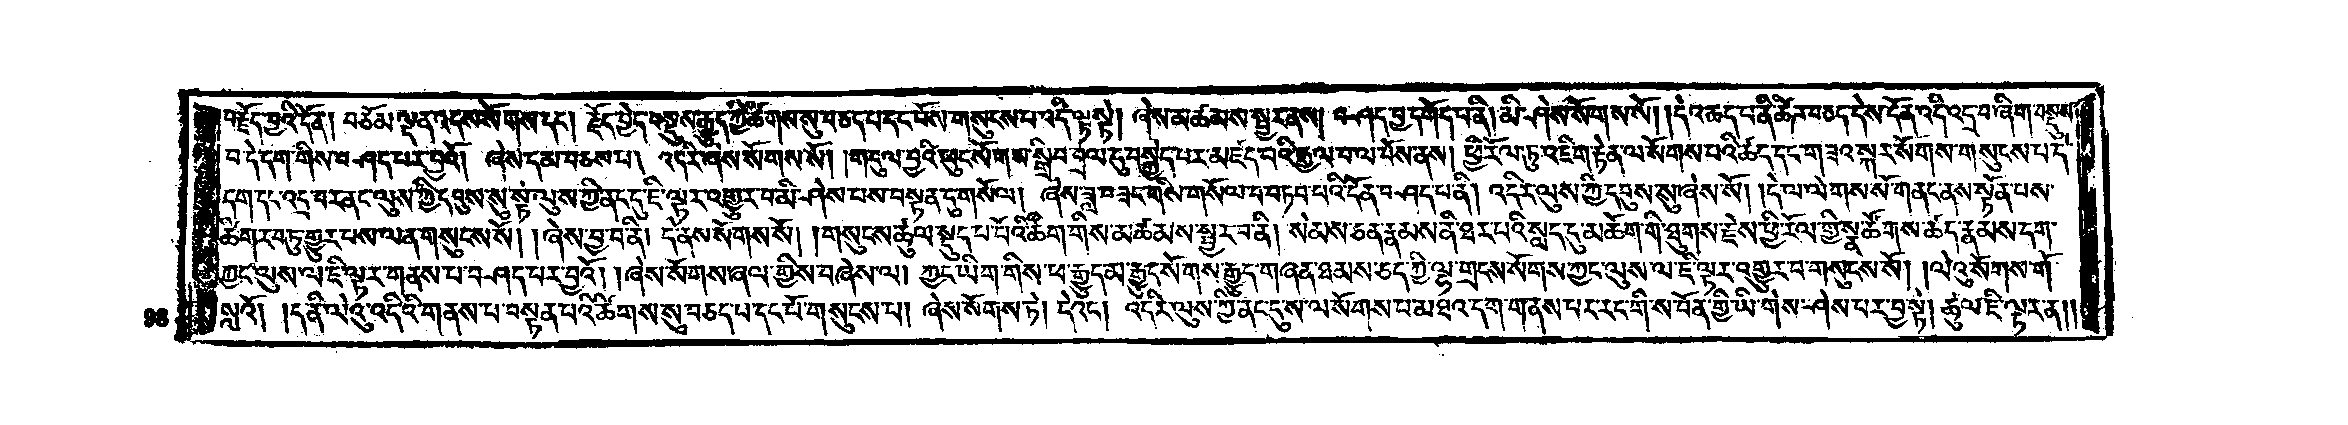བརྗོད་བྱའི་དོན། བཅོམ་ལྡན་འདས་སོགས་དང་། རྗོད་བྱེད་བསྡུས་རྒྱུད་ཀྱི་ཚིགས་སུ་བཅད་པ་དང་པོས་གསུངས་པ་འདི་ལྟ་སྟེ། ཞེས་མཚམས་སྦྱར་ནས། བཤད་བྱ་དགོད་པ་ནི། མི་ཤེས་སོགས་སོ། །དེ་འཆད་པ་ནི་ཚིགས་བཅད་དེས་དོན་འདི་འདྲ་བ་ཞིག་བསྡུས་
བ་དེ་དག་གིས་བཤད་པར་བྱའོ། །ཞེས་དམ་བཅས་པ། འདིར་ཞེས་སོགས་སོ། །གདུལ་བྱའི་ཕུང་སོགས་སྒྲིབ་བྲལ་དུ་བསྐྱེད་པར་མཛད་པའི་རྒྱལ་བ་ལ་པོས་ནས། ཕྱི་རོལ་ཏུ་འཇིག་རྟེན་ལ་སོགས་པའི་ཚད་དང་གཟའ་སྐར་སོགས་གསུངས་པ་དེ་
དག་དང་འདྲ་བར་ནང་ལུས་ཀྱི་དབུས་སུ་སྟེ་ལུས་ཀྱི་ནང་དུ་ཇི་ལྟར་འགྱུར་བ་མི་ཤེས་པས་བསྟན་དུ་གསོལ། ཞེས་ཟླ་བཟང་གིས་གསོལ་བ་བཏབ་པའི་དོན་བཤད་པ་ནི། འདིར་ལུས་ཀྱི་དབུས་སུ་ཞེས་སོ། །དེ་ལ་ལེགས་སོ་གནང་ནས་སྟོན་པས་
ཚིག་རབ་ཏུ་གྱུར་པས་ལན་གསུངས་སོ། །ཞེས་བྱ་བ་ནི། དེ་ནས་སོགས་སོ། །གསུངས་ཚུལ་སྡུད་པ་པོའི་ཚིག་གིས་མཚམས་སྦྱར་བ་ནི། སེམས་ཅན་རྣམས་ནི་ཐར་པའི་སླད་དུ་མཆོག་གི་ཐུགས་རྗེས་ཕྱི་རོལ་གྱི་སྣ་ཚོགས་ཚད་རྣམས་དག་
ཀྱང་ལུས་ལ་ཇི་ལྟར་གནས་པ་བཤད་པར་བྱའོ། །ཞེས་སོགས་ཞལ་གྱིས་བཞེས་ལ། ཀྱང་ཡིག་གིས་ཕ་རྒྱུད་མ་རྒྱུད་སོགས་རྒྱུད་གཞན་ཐམས་ཅད་ཀྱི་ལྷ་གྲངས་སོགས་ཀྱང་ལུས་ལ་ཇི་ལྟར་འགྱུར་བ་གསུངས་སོ། །ལེའུ་སོགས་གོ་
སླའོ། །ད་ནི་ལེའུ་འདིའི་གནས་པ་བསྟན་པའི་ཚིགས་སུ་བཅད་པ་དང་པོ་གསུངས་པ། ཞེས་སོགས་ཏེ། དེའང་། འདིར་ལུས་ཀྱི་ནང་དུ་ས་ལ་སོགས་པ་མཐའ་དག་གནས་པར་རང་གི་ས་བོན་གྱི་ཡི་གེས་ཤེས་པར་བྱ་སྟེ། ཚུལ་ཇི་ལྟར་ན། །